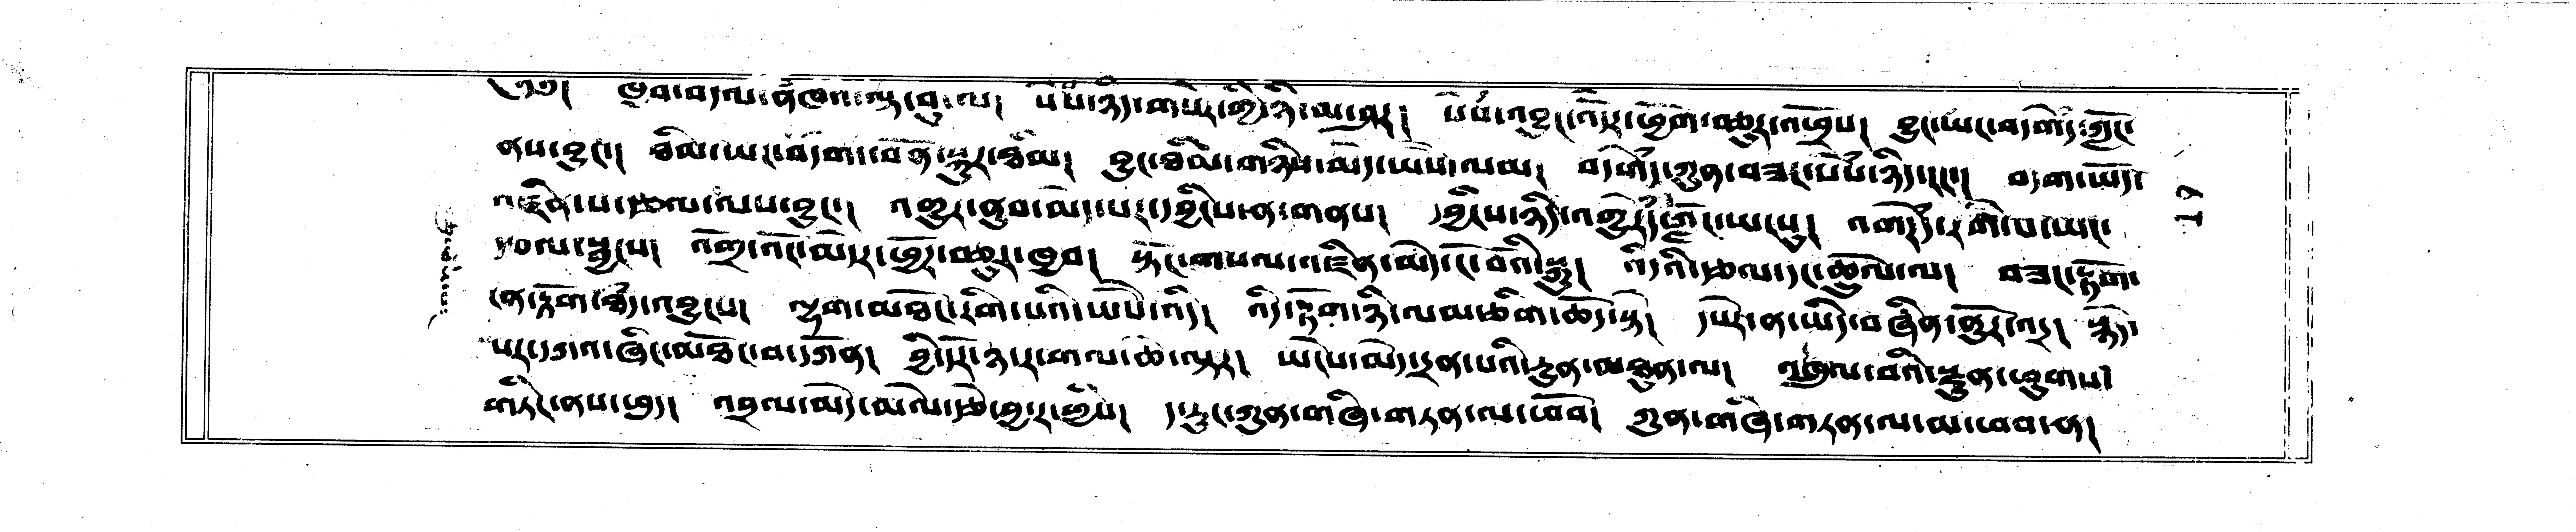ཁྱབ་བདལ་ནམ་མཁའ་ལྟ་བུ་ལ། སེམས་ཉིད་གསེར་གྱི་ཉི་མ་ཤར། སེམས་བྱུང་འོད་ཟེར་ཕྱོགས་བཅུར་འཕྲོས། བྱུང་ཡང་བདག་མེད་ཀློང་
ནས་བྱུང་། ཐིམ་ཡང་བདག་མེད་བོན་སྐུར་ཐིམ། བྱུང་ཐིམ་གཉིས་མེད་ཡེ་ཤེས་ལམ། བདག་མེད་ཀུན་བཟང་སེམས་ཉིད་ངང་། བདག་ཡོད་
འཛིན་པ་རྩལ་ལས་བྱུང་། འགྱུར་ནུབ་མེད་པར་དབྱིངས་ན་གནས། དབྱིངས་ཉིད་འགྱུར་མེད་ཀློང་ཡངས་སུ། འགག་མེད་རིག་པ་ཡང་
རྩལ་སྦྱངས། འགྲོ་འོང་མེད་པར་ཕྱོགས་བཅུར་ཁྱབ། སྟོང་གསལ་འཛིན་མེད་ངོ་བོའི་སྐུ། འདིའི་རྩལ་དང་ཆོ་འཕྲུལ་ལ། བཟང་རྟོག་
ངན་རྟོག་ཐམས་ཅད་འབྱུང་། ལྷག་མཐོང་རིག་པའི་ཡེ་ཤེས་འདི། འདི་རྟོག་ཉེ་ལམ་གཅིག་ཆོད་སྟེ། དཔེར་ན་ཡིད་བཞིན་ནོར་བུ་འདྲ། རྙེད་
པར་དཀའ་ཞིང་མཐོང་བ་དཀོན། བྱི་དོར་ཉ་ར་གལ་ཆེ་ལྟར། ཡེངས་མེད་དྲན་པའི་རྒྱུན་མཐུད་ལ། འཁྲུལ་པའི་རྫུན་ཕུག་
གཏིང་ནས་ཕུད། འབྲལ་མེད་མེལ་ཙེ་བྱ་ར་གྱིས། ད་རུང་ཀུན་གཞི་གཏན་ལ་ཕོབ། ཀུན་གཞི་གཏན་ལ་མ་ཕབ་ན།